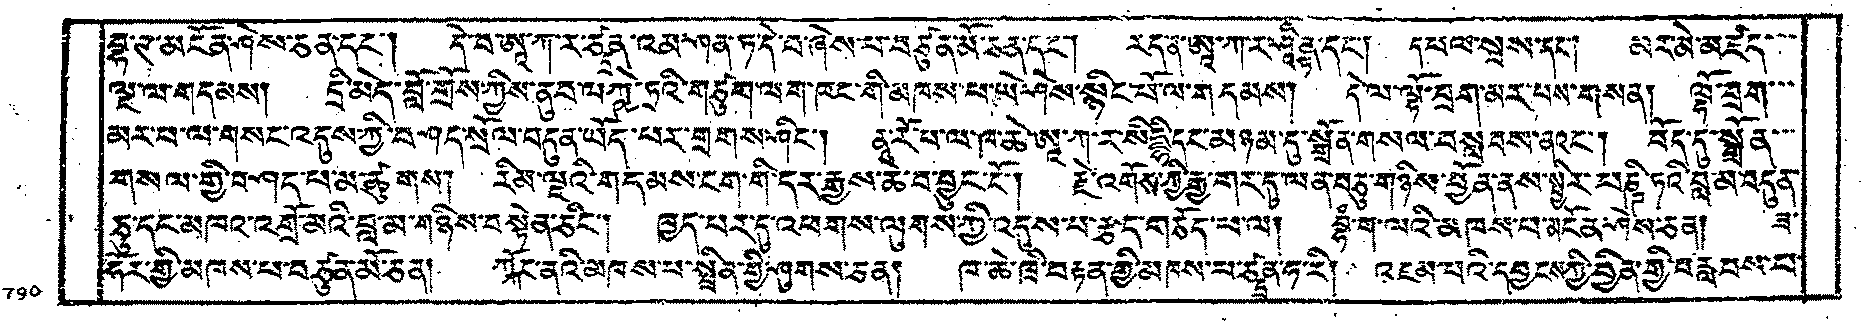བྷ་ཊ་མངོན་ཤེས་ཅན་དང་། དེ་བ་ཨཱ་ཀ་ར་ཙནྡྲ་འམ་ཤན་ཏ་དེ་བ་ཞེས་པ་བཙུན་མོ་ཅན་དང་། རད་ན་ཨཱ་ཀ་ར་ཤཱིནྟ་དང་། དཔལ་སྦས་དང་། མར་མེ་མཛད་
ལྔ་ལ་གདམས། དྲི་མེད་བློ་གྲོས་ཀྱིས་ནུབ་ལ་ཀྵེ་ཏྲའི་གཙུག་ལག་ཁང་གི་མཁས་པ་ཡེ་ཤེས་སྙིང་པོ་ལ་གདམས། དེ་ལ་ལྷོ་བྲག་མར་པས་གསན། ལྷོ་བྲག་
མར་པ་ལ་གསང་འདུས་ཀྱི་བཤད་སྲོལ་བདུན་ཡོད་པར་གྲགས་ཤིང་། ནཱ་རོ་པ་ལ་ཁ་ཆེ་ཨཱ་ཀ་ར་སིདྡྷི་དང་མཉམ་དུ་སྒྲོན་གསལ་བསླབས་ནའང་། བོད་དུ་སྒྲོན་
གསལ་གྱི་བཤད་པ་མ་ཚུགས། རིམ་ལྔའི་གདམས་ངག་གི་དར་རྒྱས་ཆེ་བ་བྱུང་ངོ། །རྗེ་འགོས་ཀྱི་རྒྱ་གར་དུ་ལན་བཅུ་གཉིས་བྱོན་ནས་སྤྱིར་པཎྜི་ཏའི་བླ་མ་བདུན་
ཅུ་དང་མཁའ་འགྲོ་མའི་བླ་མ་གཉིས་བསྟེན་ཅིང་། ཁྱད་པར་དུ་འཕགས་ལུགས་ཀྱི་འདུས་པ་རྩད་གཅོད་པ་ལ། བྷཾ་ག་ལའི་མཁས་པ་མངོན་ཤེས་ཅན། ཟ་
ཧོར་གྱི་མཁས་པ་བཙུན་མོ་ཅན། ཀོཀང་ནའི་མཁས་པ་སྤྲིན་གྱི་ཤུགས་ཅན། ཁ་ཆེ་ཁྲི་བརྟན་གྱི་མཁས་པ་ཙནྡྲ་ཧ་རི། འཇམ་པའི་དབྱངས་ཀྱི་བྱིན་གྱི་བརླབས་པ་